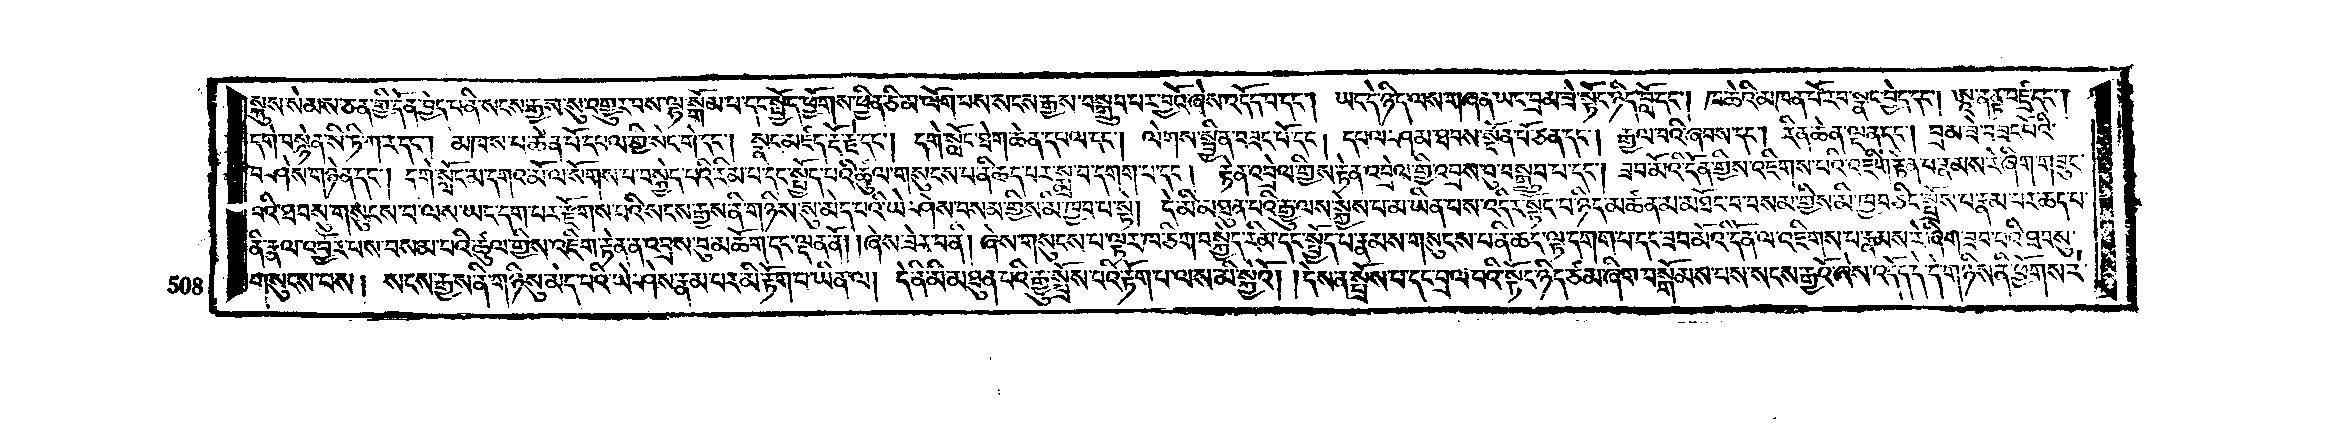སྐུས་སེམས་ཅན་གྱི་དོན་བྱེད་པ་ནི་སངས་རྒྱས་སུ་འགྱུར་བས་ལྷ་སྒོམ་པ་དང་སྤྱོད་ཕྱོགས་ཕྱིན་ཅི་མ་ལོག་པས་སངས་རྒྱས་བསྒྲུབ་པར་བྱའོ་ཞེས་འདོད་པ་དང་། ཡང་དེ་ཉིད་ལས་གཞན་ཡང་བྲམ་ཟེ་སྟོང་ཉིད་བློ་དང་། ཁ་ཆེའི་མཁན་པོ་རབ་སྣང་བྱེད་དང་། ཨཱ་ནནྟ་བཛྲ་དང་།
དགེ་བསྙེན་སི་ཏི་ཀ་ར་དང་། མཁས་པ་ཆེན་པོ་དཔལ་གྱི་སེང་གེ་དང་། སྣང་མཛད་རྡོ་རྗེ་དང་། དགེ་སློང་ཐེག་ཆེན་དཔལ་དང་། ལེགས་སྦྱིན་བཟང་པོ་དང་། དཔལ་ཤམ་ཐབས་སྔོན་པོ་ཅན་དང་། རྒྱལ་བའི་ཞབས་དང་། རིན་ཆེན་ལྡན་དང་། བྲམ་ཟེ་བཟང་པོའི་
བཤེས་གཉེན་དང་། དགེ་སློང་མ་དགའ་མོ་ལ་སོགས་པ་བསྐྱེད་པའི་རིམ་པ་དང་སྤྱོད་པའི་ཚུལ་གསུངས་པ་ནི་ཆད་པར་སྨྲ་བ་དགག་པ་དང་། རྟེན་འབྲེལ་གྱིས་རྟེན་འབྲེལ་གྱི་འབྲས་བུ་བསྒྲུབ་པ་དང་། ཟབ་མོའི་དོན་གྱིས་འཇིགས་པའི་འཇིག་རྟེན་པ་རྣམས་རེ་ཞིག་གཟུང་
བའི་ཐབས་སུ་གསུངས་པ་ལས་ཡང་དག་པར་རྫོགས་པའི་སངས་རྒྱས་ནི་གཉིས་སུ་མེད་པའི་ཡེ་ཤེས་བསམ་གྱིས་མི་ཁྱབ་པ་སྟེ། དེ་མི་མཐུན་པའི་རྒྱུ་ལས་སྐྱེས་པ་མ་ཡིན་པས་འདིར་སྟོང་པ་ཉིད་མཚན་མ་མཐོང་བ་བསམ་གྱིས་མི་ཁྱབ་ཅིང་སྤྲོས་པ་རྣམ་པར་ཆད་པ་
ནི་རྣལ་འབྱོར་པས་བསམ་པའི་ཚུལ་གྱིས་འཇིག་རྟེན་ན་འབྲས་བུ་མཆོག་དང་ལྡན་ནོ། །ཞེས་ཟེར་བ་ནི། ཞེས་གསུངས་པ་ལྟར་ཁ་ཅིག་བསྐྱེད་རིམ་དང་སྤྱོད་པ་རྣམས་གསུངས་པ་ནི་ཆད་ལྟ་དགག་པ་དང་ཟབ་མོའི་དོན་ལ་འཇིགས་པ་རྣམས་རེ་ཞིག་ཟབ་པའི་ཐབས་སུ་
གསུངས་པས། སངས་རྒྱས་ནི་གཉིས་སུ་མེད་པའི་ཡེ་ཤེས་རྣམ་པར་མི་རྟོག་པ་ཡིན་ལ། དེ་ནི་མི་མཐུན་པའི་རྒྱུ་སྤྲོས་པའི་རྟོག་པ་ལས་མི་སྐྱེའོ། །དེས་ན་སྤྲོས་པ་དང་བྲལ་བའི་སྟོང་ཉིད་ཙམ་ཞིག་བསྒོམས་པས་སངས་རྒྱའོ་ཞེས་འདོད་དེ་དེ་གཉིས་ནི་ཕྱོགས་རེ་